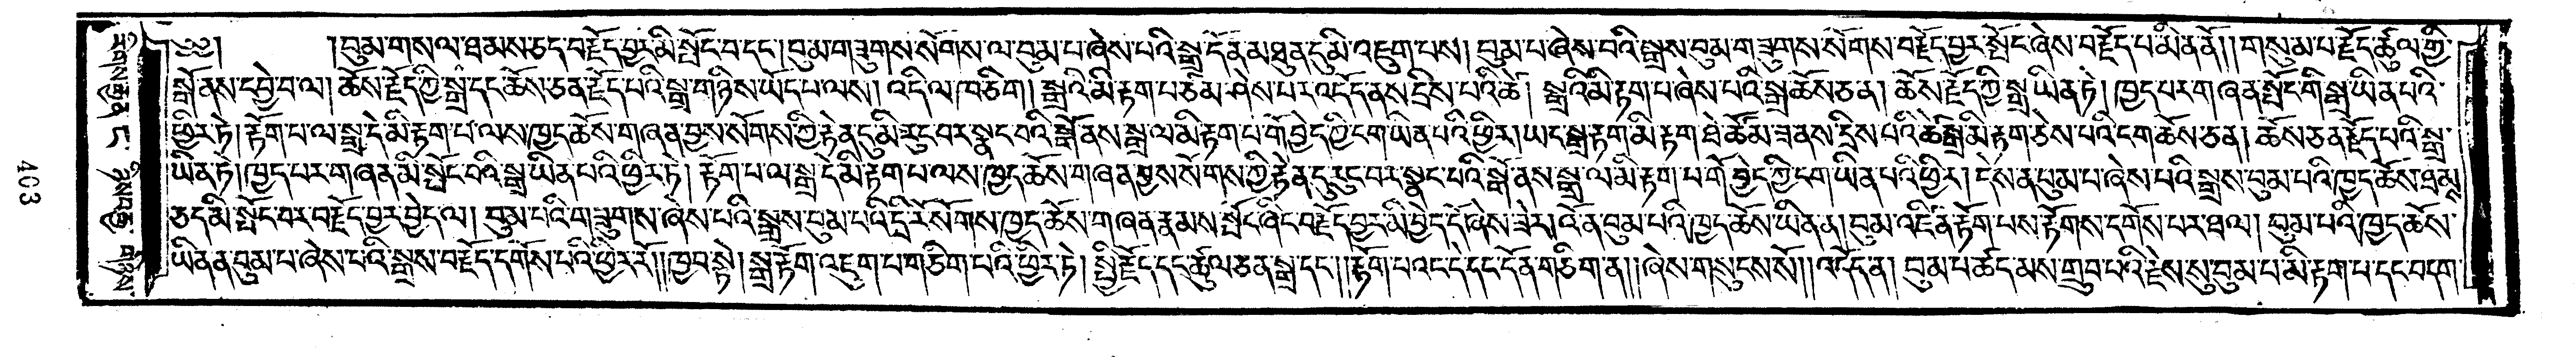༄༅། །བུམ་གསལ་ཐམས་ཅད་བརྗོད་བྱར་མི་སྤོང་བ་དང་། བུམ་གཟུགས་སོགས་ལ་བུམ་པ་ཞེས་པའི་སྒྲ་དོན་མཐུན་དུ་མི་འཇུག་པས། བུམ་པ་ཞེས་པའི་སྒྲས་བུམ་གཟུགས་སོགས་བརྗོད་བྱར་སྤོང་ཞེས་བརྗོད་པ་མིན་ནོ། །གསུམ་པ་རྗོད་ཚུལ་གྱི་
སྒོ་ནས་དབྱེ་བ་ལ། ཆོས་རྗོད་ཀྱི་སྒྲ་དང་ཆོས་ཅན་རྗོད་པའི་སྒྲ་གཉིས་ཡོད་པ་ལས། འདི་ལ་ཁ་ཅིག །སྒྲའི་མི་རྟག་པ་ཙམ་ཤེས་པར་འདོད་ནས་དྲིས་པའི་ཚེ། སྒྲའི་མི་རྟག་པ་ཞེས་པའི་སྒྲ་ཆོས་ཅན། ཆོས་རྗོད་ཀྱི་སྒྲ་ཡིན་ཏེ། ཁྱད་པར་གཞན་སྤོང་གི་སྒྲ་ཡིན་པའི་
ཕྱིར་ཏེ། རྟོག་པ་ལ་སྒྲ་དེ་མི་རྟག་པ་ལས་ཁྱད་ཆོས་གཞན་བྱས་སོགས་ཀྱི་རྟེན་དུ་མི་རུང་བར་སྣང་བའི་སྒོ་ནས་སྒྲ་ལ་མི་རྟག་པ་གོ་བྱེད་ཀྱི་ངག་ཡིན་པའི་ཕྱིར། ཡང་སྒྲ་རྟག་མི་རྟག་ཐེ་ཚོམ་ཟ་ནས་དྲིས་པའི་ཚེ་སྒྲ་མི་རྟག་ཅེས་པའི་ངག་ཆོས་ཅན། ཆོས་ཅན་རྗོད་པའི་སྒྲ་
ཡིན་ཏེ། ཁྱད་པར་གཞན་མི་སྤོང་བའི་སྒྲ་ཡིན་པའི་ཕྱིར་ཏེ། རྟོག་པ་ལ་སྒྲ་དེ་མི་རྟག་པ་ལས་ཁྱད་ཆོས་གཞན་བྱས་སོགས་ཀྱི་རྟེན་དུ་རུང་བར་སྣང་བའི་སྒོ་ནས་སྒྲ་ལ་མི་རྟག་པ་གོ་བྱེད་ཀྱི་ངག་ཡིན་པའི་ཕྱིར། དེས་ན་བུམ་པ་ཞེས་པའི་སྒྲས་བུམ་པའི་ཁྱད་ཆོས་ཐམས་
ཅད་མི་སྤོང་བར་བརྗོད་བྱར་བྱེད་ལ། བུམ་པའི་གཟུགས་ཞེས་པའི་སྒྲས་བུམ་པའི་དྲི་རོ་སོགས་ཁྱད་ཆོས་གཞན་རྣམས་སྤོང་ཞིང་བརྗོད་བྱར་མི་བྱེད་དོ་ཞེས་ཟེར། འོ་ན་བུམ་པའི་ཁྱད་ཆོས་ཡིན་ན། བུམ་འཛིན་རྟོག་པས་རྟོགས་དགོས་པར་ཐལ། བུམ་པའི་ཁྱད་ཆོས་
ཡིན་ན་བུམ་པ་ཞེས་པའི་སྒྲས་བརྗོད་དགོས་པའི་ཕྱིར་རོ། །ཁྱབ་སྟེ། སྒྲ་རྟོག་འཇུག་པ་གཅིག་པའི་ཕྱིར་ཏེ། སྤྱི་རྗོད་ངང་ཚུལ་ཅན་སྒྲ་དང་། །རྟོག་པའང་དེ་དང་དོན་གཅིག་ན། །ཞེས་གསུངས་སོ། །འདོད་ན། བུམ་པ་ཚད་མས་གྲུབ་པའི་རྗེས་སུ་བུམ་པ་མི་རྟག་པ་དང་བདག་